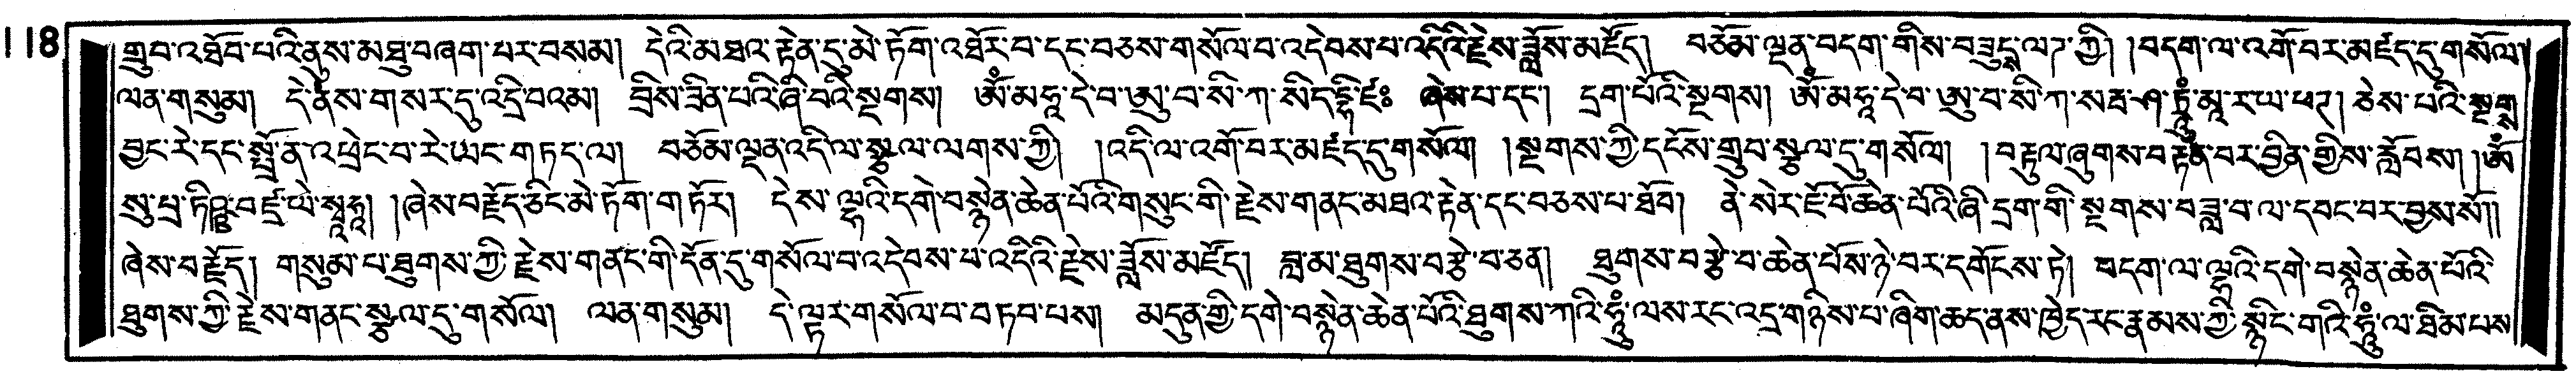གྲུབ་འཐོབ་པའི་ནུས་མཐུ་བཞག་པར་བསམ། དེའི་མཐའ་རྟེན་དུ་མེ་ཏོག་འཐོར་བ་དང་བཅས་གསོལ་བ་འདེབས་པ་འདིའི་རྗེས་ཟློས་མཛོད། བཅོམ་ལྡན་བདག་གིས་བཟུངས་ལགས་ཀྱི། །བདག་ལ་འགོ་བར་མཛད་དུ་གསོལ།
ལན་གསུམ། དེ་ནས་གསར་དུ་འདྲི་བའམ། བྲིས་ཟིན་པའི་ཞི་བའི་སྔགས། ཨོཾ་མཧཱ་དེ་བ་ཨུ་བ་སི་ཀ་སིད་དྷི་ཛཿ ཞེས་པ་དང་། དྲག་པོའི་སྔགས། ཨོཾ་མཧཱ་དེ་བ་ཨུ་བ་སི་ཀ་སརྦ་ཤ་ཏྲཱུཾ་མཱ་ར་ཡ་ཕགས། ཅེས་པའི་སྔགས་
བྱང་རེ་དང་སྤྲོ་ན་འཕྲེང་བ་རེ་ཡང་གཏད་ལ། བཅོམ་ལྡན་འདི་ལ་སྩལ་ལགས་ཀྱི། །འདི་ལ་འགོ་བར་མཛད་དུ་གསོལ། །སྔགས་ཀྱི་དངོས་གྲུབ་སྩལ་དུ་གསོལ། །བརྟུལ་ཞུགས་བརྟན་པར་བྱིན་གྱིས་རློབས། །ཨོཾ་
ཨུ་པྲ་ཏིཥཊཿཨ་བྫྲ་ཡེ་སྭཱ་ཧཱ། །ཞེས་བརྗོད་ཅིང་མེ་ཏོག་གཏོར། དེས་ལྷའི་དགེ་བསྙེན་ཆེན་པོའི་གསུང་གི་རྗེས་གནང་མཐའ་རྟེན་དང་བཅས་པ་ཐོབ། ནེ་སེར་ཇོ་བོ་ཆེན་པོའི་ཞི་དྲག་གི་སྔགས་བཟླ་བ་ལ་དབང་བར་བྱས་སོ།།
ཞེས་བརྗོད། གསུམ་པ་ཐུགས་ཀྱི་རྗེས་གནང་གི་དོན་དུ་གསོལ་བ་འདེབས་པ་འདིའི་རྗེས་ཟློས་མཛོད། བླ་མ་ཐུགས་བརྩེ་བ་ཅན། ཐུགས་བརྩེ་བ་ཆེན་པོས་ཉེ་བར་དགོངས་ཏེ། བདག་ལ་ལྷའི་དགེ་བསྙེན་ཆེན་པོའི་
ཐུགས་ཀྱི་རྗེས་གནང་སྩལ་དུ་གསོལ། ལན་གསུམ། དེ་ལྟར་གསོལ་བ་བཏབ་པས། མདུན་གྱི་དགེ་བསྙེན་ཆེན་པོའི་ཐུགས་ཀའི་ཧཱུཾ་ལས་རང་འདྲ་གཉིས་པ་ཞིག་ཆད་ནས་ཁྱེད་རང་རྣམས་ཀྱི་སྙིང་གའི་ཧཱུཾ་ལ་ཐིམ་པས་